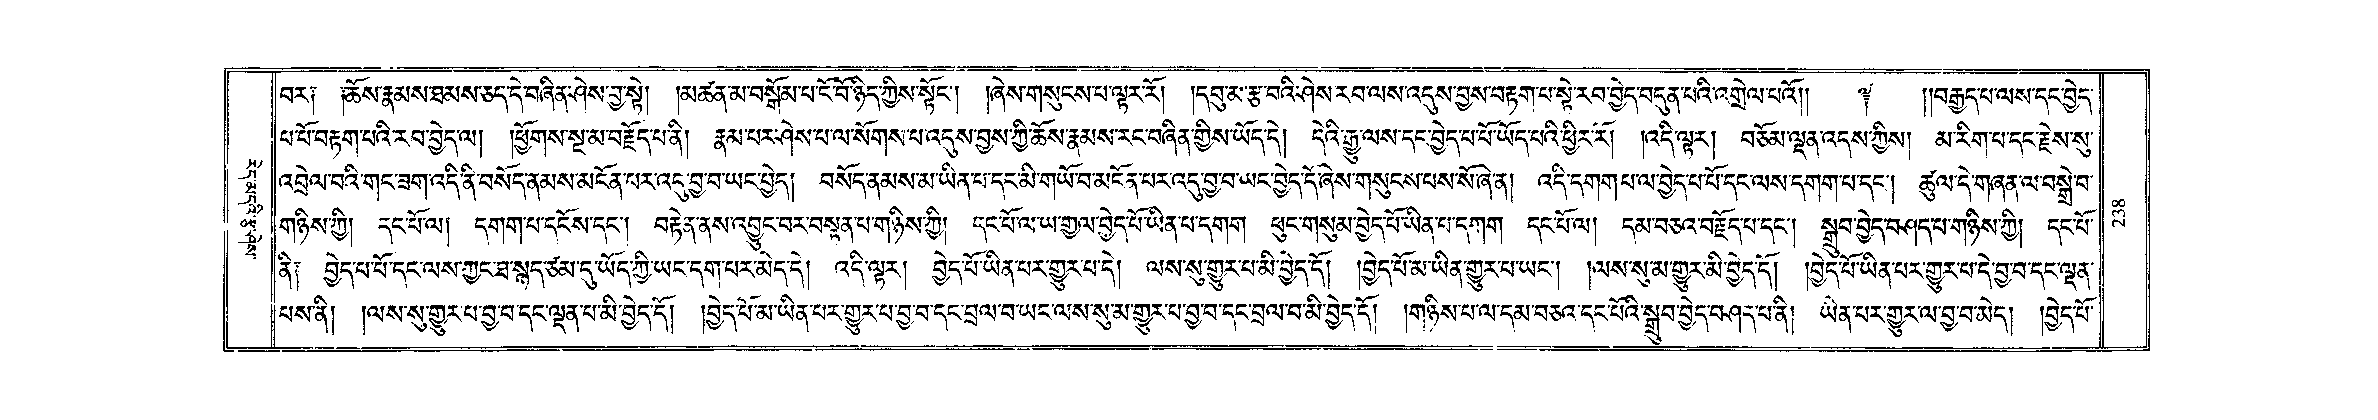བར༑ ༑ཆོས་རྣམས་ཐམས་ཅད་དེ་བཞིན་ཤེས་བྱ་སྟེ། །མཚན་མ་བསྒོམ་པ་ངོ་བོ་ཉིད་ཀྱིས་སྟོང་། །ཞེས་གསུངས་པ་ལྟར་རོ། །དབུ་མ་རྩ་བའི་ཤེས་རབ་ལས་འདུས་བྱས་བརྟག་པ་སྟེ་རབ་བྱེད་བདུན་པའི་འགྲེལ་པའོ།། ༈ །།བརྒྱད་པ་ལས་དང་བྱེད་
པ་པོ་བརྟག་པའི་རབ་བྱེད་ལ། །ཕྱོགས་སྔ་མ་བརྗོད་པ་ནི། རྣམ་པར་ཤེས་པ་ལ་སོགས་པ་འདུས་བྱས་ཀྱི་ཆོས་རྣམས་རང་བཞིན་གྱིས་ཡོད་དེ། དེའི་རྒྱུ་ལས་དང་བྱེད་པ་པོ་ཡོད་པའི་ཕྱིར་རོ། །འདི་ལྟར། བཅོམ་ལྡན་འདས་ཀྱིས། མ་རིག་པ་དང་རྗེས་སུ་
འབྲེལ་བའི་གང་ཟག་འདི་ནི་བསོད་ནམས་མངོན་པར་འདུ་བྱ་བ་ཡང་བྱེད། བསོད་ནམས་མ་ཡིན་པ་དང་མི་གཡོ་བ་མངོན་པར་འདུ་བྱ་བ་ཡང་བྱེད་དོ་ཞེས་གསུངས་པས་སོ་ཞེ་ན། འདི་དགག་པ་ལ་བྱེད་པ་པོ་དང་ལས་དགག་པ་དང་། ཚུལ་དེ་གཞན་ལ་བསྒྲེ་བ་
གཉིས་ཀྱི། དང་པོ་ལ། དགག་པ་དངོས་དང་། བརྟེན་ནས་འབྱུང་བར་བསྟན་པ་གཉིས་ཀྱི། དང་པོ་ལ་ཡ་གྱལ་བྱེད་པོ་ཡིན་པ་དགག་ཕུང་གསུམ་བྱེད་པོ་ཡིན་པ་དགག་དང་པོ་ལ། དམ་བཅའ་བརྗོད་པ་དང་། སྒྲུབ་བྱེད་བཤད་པ་གཉིས་ཀྱི། དང་པོ་
ནི༑ བྱེད་པ་པོ་དང་ལས་ཀྱང་ཐ་སྙད་ཙམ་དུ་ཡོད་ཀྱི་ཡང་དག་པར་མེད་དེ། འདི་ལྟར། བྱེད་པོ་ཡིན་པར་གྱུར་པ་དེ། ལས་སུ་གྱུར་པ་མི་བྱེད་དོ། །བྱེད་པོ་མ་ཡིན་གྱུར་པ་ཡང་། །ལས་སུ་མ་གྱུར་མི་བྱེད་དོ། །བྱེད་པོ་ཡིན་པར་གྱུར་པ་དེ་བྱ་བ་དང་ལྡན་
པས་ནི། །ལས་སུ་གྱུར་པ་བྱ་བ་དང་ལྡན་པ་མི་བྱེད་དོ། །བྱེད་པོ་མ་ཡིན་པར་གྱུར་པ་བྱ་བ་དང་བྲལ་བ་ཡང་ལས་སུ་མ་གྱུར་པ་བྱ་བ་དང་བྲལ་བ་མི་བྱེད་དོ། །གཉིས་པ་ལ་དམ་བཅའ་དང་པོའི་སྒྲུབ་བྱེད་བཤད་པ་ནི། ཡིན་པར་གྱུར་ལ་བྱ་བ་མེད། །བྱེད་པོ་